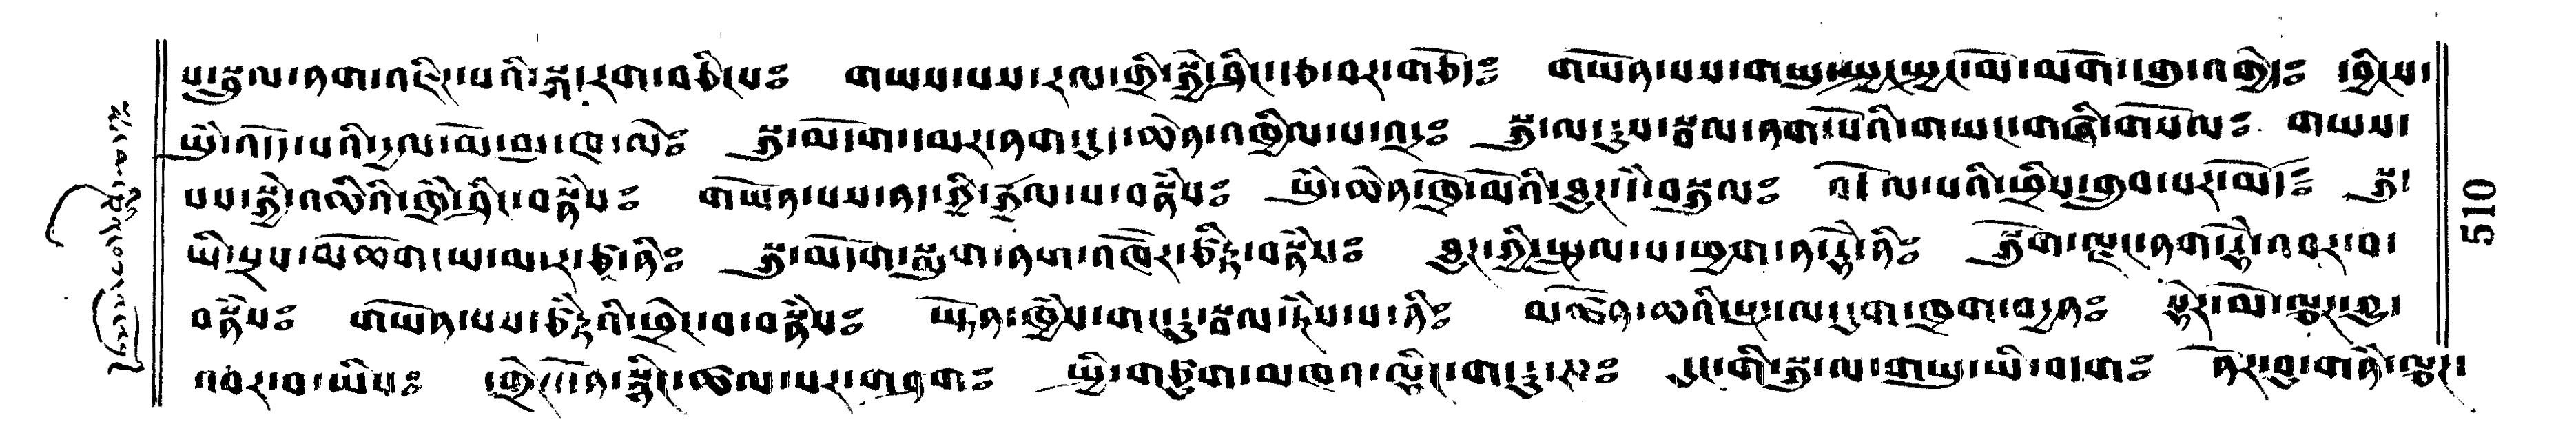པ་སྦྲུལ་ནག་འཇིགས་པའི་སྐ་རགས་བཅིངས༔ གཡས་པས་རལ་གྲིས་སྐྱེ་ཤིང་རྩ་བར་གཅོད༔ གཡོན་པས་གཡུ་སྤྱང་སྤྱང་མོ་མགོ་དགུ་འགྱེད༔ དབྱིངས་
ཡུམ་འདོད་པའི་རྒྱལ་མོ་མུ་ཁ་ལེ༔ སྐུ་མདོག་དམར་ནག་དུད་ཆེན་འཁྱིལ་པ་འདྲ༔ སྐུ་ལ་རུས་སྦལ་ནག་པོའི་གཡང་གཞི་གསོལ༔ གཡས་
པས་སྐྱེ་འཆིའི་ཁྲམ་ཤིང་བསྣམས༔ གཡོན་པས་ནད་ཀྱི་རྐྱལ་པ་བསྣམས༔ ཡུམ་ཆེན་ཁྲོ་མོའི་ཐུགས་དམ་སྐུལ༔ བཅོལ་པའི་ཕྲིན་ལས་གྲུབ་པར་མཛོད༔ སྐུ་
ཡི་སྲས་མཆོག་ཡ་མ་ར་ཙཱ་ནི༔ སྐུ་མདོག་སྨུག་ནག་འཁོར་ལོ་ཙིཏྟ་བསྣམས༔ ཐུགས་ཀྱི་སྤྲུལ་པ་ཕྱག་ན་རྡོ་རྗེ་ནི༔ སྐུ་མདོག་ལྗང་ནག་རྡོ་རྗེ་འབར་བ་
བསྣམས༔ གཡོན་པས་ཙིཏྟའི་ཕྲེང་བ་བསྣམས༔ ཡོན་ཏན་ཁྱམས་གང་རུས་སྦལ་རྔམ་པ་ནི༔ མཚོན་ཆའི་སྤུ་ལ་དུག་ཁྲག་བརྒྱན༔ སྡེར་མོ་ལྕགས་ཀྱུ་
འབར་བ་ཡིས༔ དགྲ་བགེགས་དོན་སྙིང་ཚལ་པར་གཤག༔ སྤྱི་གཙུག་མཁའ་ལྡིང་ག་རུ་ཎ༔ དུང་གི་སྐུ་ལ་གཡུ་ཡི་མདོག༔ ནོར་བུ་གནམ་ལྕགས་